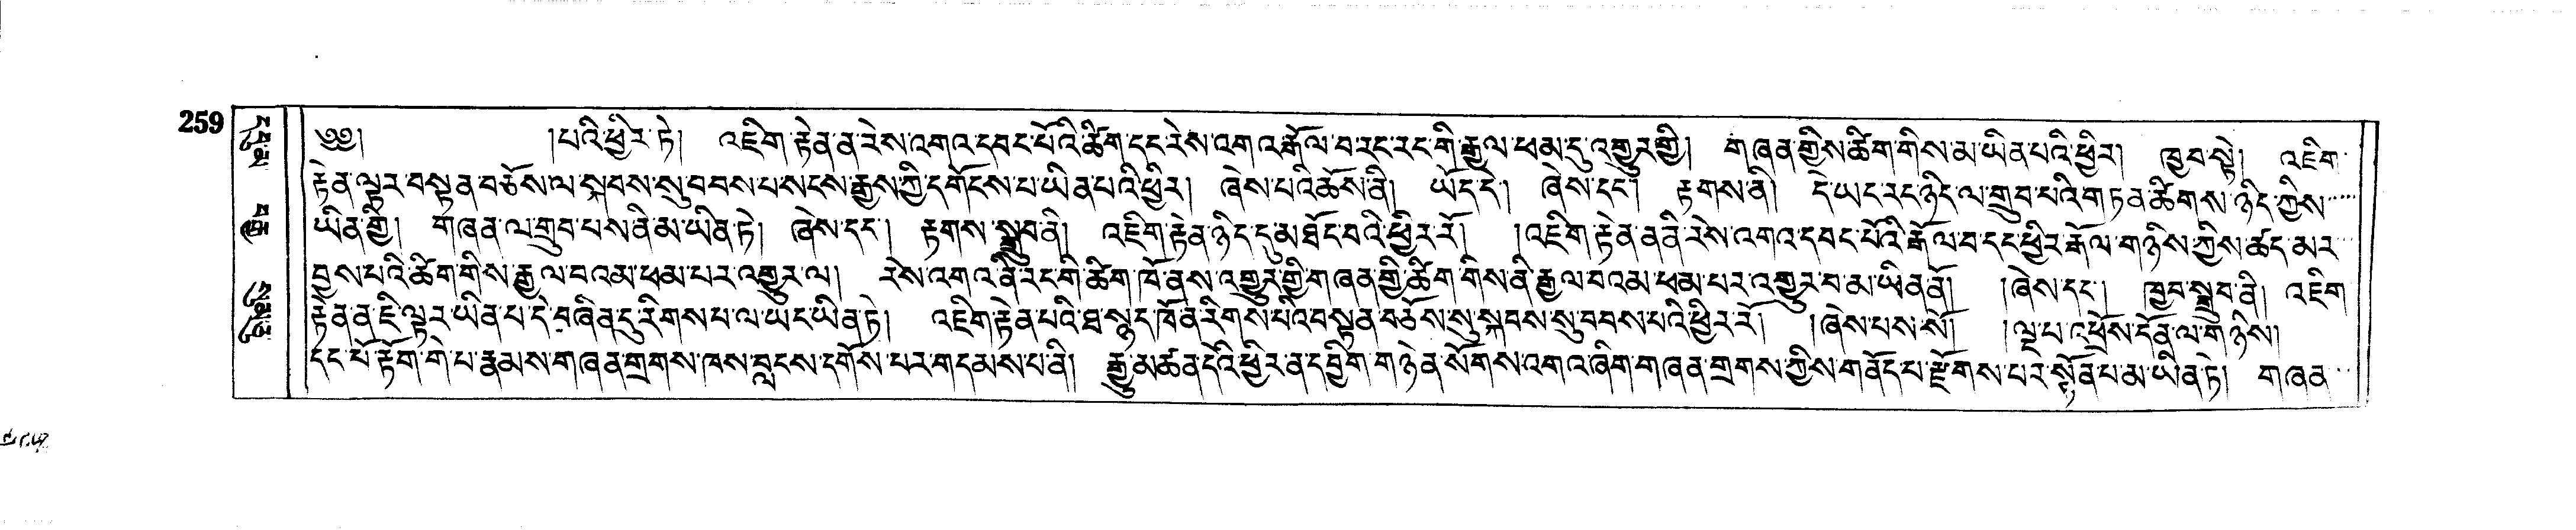༄༅། །པའི་ཕྱིར་ཏེ། འཇིག་རྟེན་ན་རེས་འགའ་དབང་པོའི་ཚིག་དང་རེས་འགའ་རྒོལ་བ་རང་རང་གི་རྒྱལ་ཕམ་དུ་འགྱུར་གྱི། གཞན་གྱིས་ཚིག་གིས་མ་ཡིན་པའི་ཕྱིར། ཁྱབ་སྟེ། འཇིག་
རྟེན་ལྟར་བསྟན་བཅོས་ལ་སྐབས་སུ་བབས་པ་སངས་རྒྱས་ཀྱི་དགོངས་པ་ཡིན་པའི་ཕྱིར། ཞེས་པའི་ཆོས་ནི། ཡོད་དེ། ཞེས་དང་། རྟགས་ནི། དེ་ཡང་རང་ཉིད་ལ་གྲུབ་པའི་གཏན་ཚིགས་ཉིད་ཀྱིས་
ཡིན་གྱི། གཞན་ལ་གྲུབ་པས་ནི་མ་ཡིན་ཏེ། ཞེས་དང་། རྟགས་སྒྲུབ་ནི། འཇིག་རྟེན་ཉིད་དུ་མཐོང་བའི་ཕྱིར་རོ། །འཇིག་རྟེན་ན་ནི་རེས་འགའ་དབང་པོའི་རྒོལ་བ་དང་ཕྱིར་རྒོལ་གཉིས་ཀྱིས་ཚད་མར་
བྱས་པའི་ཚིག་གིས་རྒྱལ་བའམ་ཕམ་པར་འགྱུར་ལ། རེས་འགའ་ནི་རང་གི་ཚིག་ཁོ་ནས་འགྱུར་གྱི་གཞན་གྱི་ཚིག་གིས་ནི་རྒྱལ་བའམ་ཕམ་པར་འགྱུར་བ་མ་ཡིན་ནོ། །ཞེས་དང་། ཁྱབ་སྒྲུབ་ནི། འཇིག་
རྟེན་ན་ཇི་ལྟར་ཡིན་པ་དེ་བཞིན་དུ་རིགས་པ་ལ་ཡང་ཡིན་ཏེ། འཇིག་རྟེན་པའི་ཐ་སྙད་ཁོ་ན་རིགས་པའི་བསྟན་བཅོས་སུ་སྐབས་སུ་བབས་པའི་ཕྱིར་རོ། །ཞེས་པས་སོ། །ལྔ་བ་འཕྲོས་དོན་ལ་གཉིས།
དང་པོ་རྟོག་གེ་པ་རྣམས་གཞན་གྲགས་ཁས་བླངས་དགོས་པར་གདམས་པ་ནི། རྒྱུ་མཚན་དེའི་ཕྱིར་ན་དབྱིག་གཉེན་སོགས་འགའ་ཞིག་གཞན་གྲགས་ཀྱིས་གནོད་པ་རྫོགས་པར་སྟོན་པ་མ་ཡིན་ཏེ། གཞན་